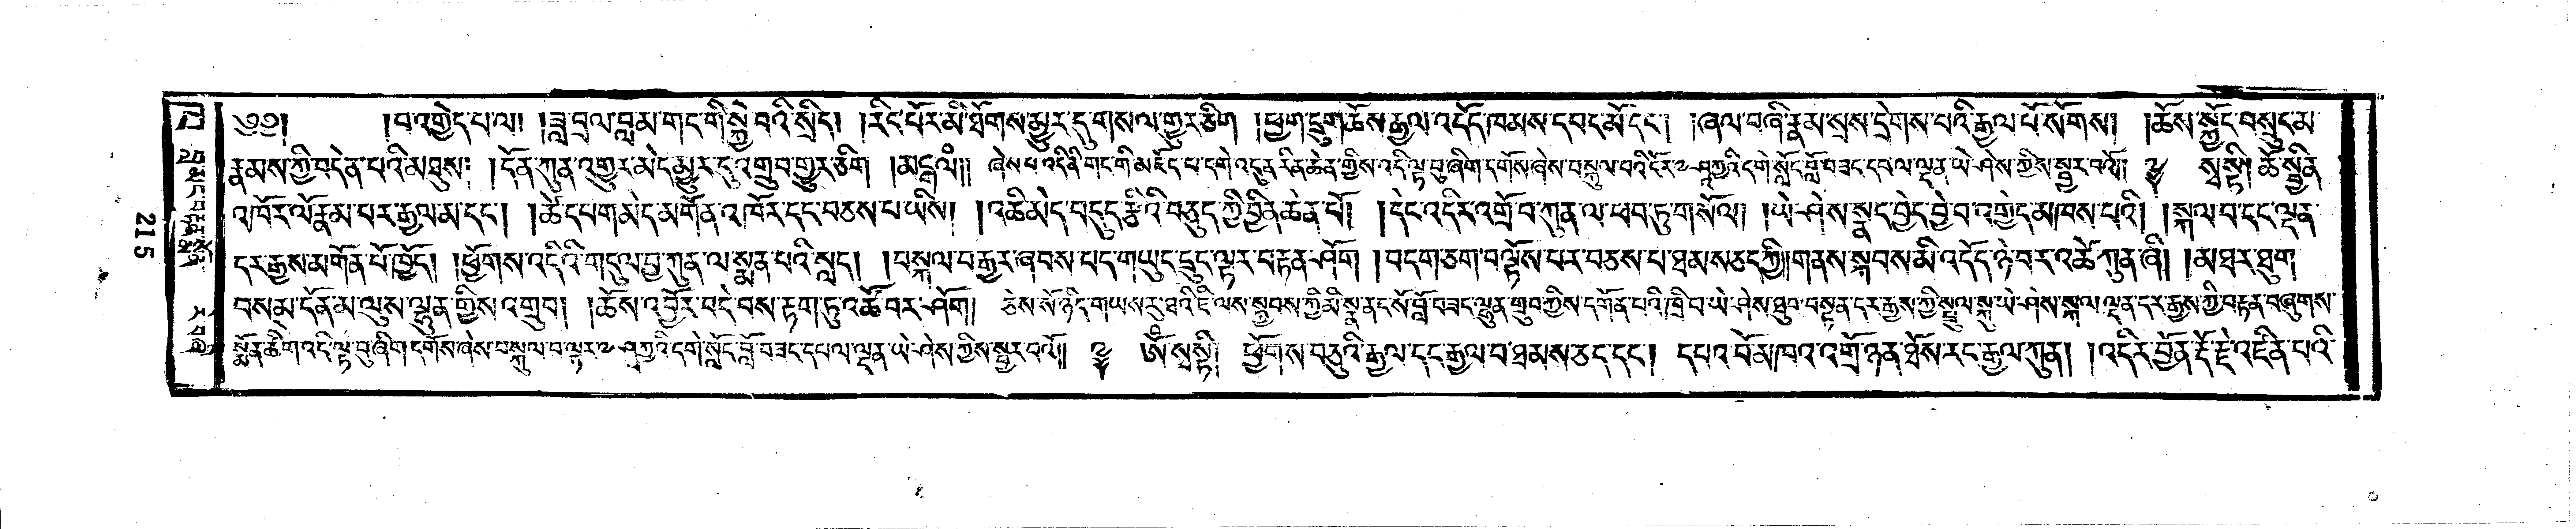༄༅། །བ་འགྱེད་པ་ལ། །ཟླ་བྲལ་བླ་མ་གང་གི་སྐྱེ་བའི་སྲིད། །རིང་པོར་མི་ཐོགས་མྱུར་དུ་གསལ་གྱུར་ཅིག །ཕྱག་དྲུག་ཆོས་རྒྱལ་འདོད་ཁམས་དབང་མོ་དང་། །ཞལ་བཞི་རྣམ་སྲས་དྲེགས་པའི་རྒྱལ་པོ་སོགས། །ཆོས་སྐྱོང་བསྲུང་མ་
རྣམས་ཀྱི་བདེན་པའི་མཐུས། །དོན་ཀུན་འགྱུར་མེད་མྱུར་དུ་འགྲུབ་གྱུར་ཅིག །མདག་ལཾ།། ཞེས་པ་འདི་ནི་གང་གི་མཛོད་པ་དགེ་འདུན་རིན་ཆེན་གྱིས་འ་དི་ལྟ་བུ་ཞིག་དགོས་ཞེས་བསྐུལ་བའི་དོར་༧་ཤཱཀྱའི་དགེ་སློང་བློ་བཟང་དཔལ་ལྡན་ཡེ་ཤེས་ཀྱིས་སྦྱར་བའོ།། ༈ སྭ་སྟི། ཆོ་སྦྱིན་
འཁོར་ལོ་རྣམ་པར་རྒྱལ་མ་དང་། །ཚེ་དཔག་མེད་མགོན་འཁོར་དང་བཅས་པ་ཡིས། །འཆི་མེད་བདུད་རྩིའི་བཅུད་ཀྱི་བྱིན་ཆེན་པོ། །དེང་འདིར་འགྲོ་བ་ཀུན་ལ་ཕབ་ཏུ་གསོལ། །ཡེ་ཤེས་སྣང་བྱེད་བྱེ་བ་འགྱེད་མཁས་པའི། །སྐལ་བ་དང་ལྡན་
དར་རྒྱས་མགོན་པོ་ཁྱོད། །ཕྱོགས་འདིའི་གདུལ་བྱ་ཀུན་ལ་སྨན་པའི་སླད། །བསྐལ་བརྒྱར་ཞབས་པད་གཡུང་དྲུང་ལྟར་བརྟན་ཤོག །བདག་ཅག་བལྟོས་པར་བཅས་པ་ཐམས་ཅད་ཀྱི། །གནས་སྐབས་མི་འདོད་ཉེ་བར་འཚོ་ཀུན་ཞི། །མཐར་ཐུག་
བསམ་དོན་མ་ལུས་ལྷུན་གྱིས་འགྲུབ། །ཆོས་འབྱོར་བདེ་བས་རྟག་ཏུ་འཚོ་བར་ཤོག། ཅེས་སོ་ཉིད་གཡས་རུ་ཐའི་ཇི་ལས་སྐྱབས་ཀྱི་མི་སྣ་ནད་སོ་བློ་བཟང་ལྷུན་གྲུབ་ཀྱིས་དགོན་པའི་ཁྲི་བ་ཡེ་ཤེས་ཐུབ་བསྟན་དར་རྒྱས་ཀྱི་སྤྲུལ་སྐུ་ཡེ་ཤེས་སྐལ་ལྡན་དར་རྒྱས་ཀྱི་བརྟན་བཞུགས་
སྨོན་ཚིག་འདི་ལྟ་བུ་ཞིག་དགོས་ཞེས་བསྐུལ་བ་ལྟར་༧་ཤཱཀྱའི་དགེ་སློང་བློ་བཟང་དཔལ་ལྡན་ཡེ་ཤེས་ཀྱིས་སྦྱར་བའོ།། ༈ ཨོཾ་སྭ་སྟི། ཕྱོགས་བཅུའི་རྒྱལ་དང་རྒྱལ་བ་ཐམས་ཅད་དང་། དཔའ་བོ་མཁའ་འགྲོ་ཉན་ཐོས་རང་རྒྱལ་ཀུན། །འདིར་བྱོན་རྡོ་རྗེ་འཛིན་པའི་